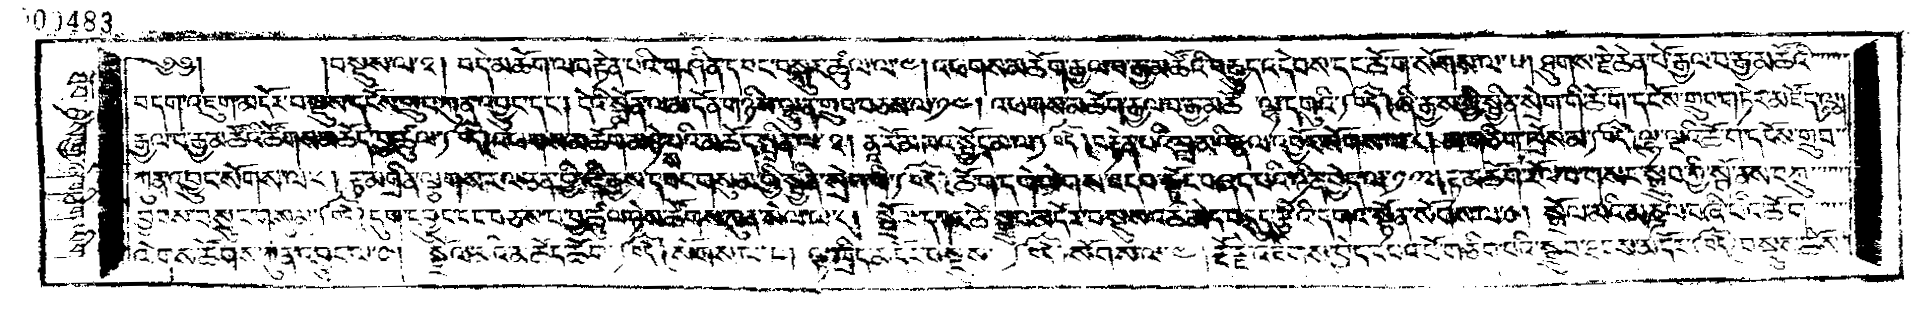༄༅། །བསྡུས་ལ༢། བདེ་མཆོག་ལ་བརྟེན་པའི་གཤིན་དབང་བསྐུར་ཚུལ་ལ༤། འཕགས་མཆོག་རྒྱལ་བ་རྒྱ་མཚོའི་བརྒྱུད་འདེབས་དང་ཆོ་ག་སོགས་ལ ༥། ཐུགས་རྗེ་ཆེན་པོ་རྒྱལ་བ་རྒྱ་མཚོའི་
བདག་འཇུག་མདོར་བསྡུས་དངོས་གྲུབ་ཀུན་འབྱུང་དང་། དེའི་སྨོན་ལམ་དོན་གཉིས་ལྷུན་གྲུབ་བཅས་ལ༡༤། འཕགས་མཆོག་རྒྱལ་བ་རྒྱ་མཚོ་ལྷ་དགུའི ༼བདེ༽ ཞི་རྒྱས་ཀྱི་སྦྱིན་སྲེག་གི་ཆོ་ག་དངོས་གྲུབ་གཏེར་མཛོད་ལ༡༠།
རྒྱལ་བ་རྒྱ་མཚོའི་ཚོགས་མཆོད་བྱ་ཚུལ ༼བདེ༽ འཕགས་མཆོག་མཉེས་པའི་མཆོད་སྤྲིན་ལ༢། ནཱ་རོ་མཁའ་སྤྱོད་མ་ལ ༼བདེ༽ བརྟེན་པའི་བླ་མའི་རྣལ་འབྱོར་སོགས་ལ༨། མ་གཅིག་ཁྲོས་མ ༼བདེ༽ ལྷ་ལྔའི་ཆོ་ག་དངོས་གྲུབ་
ཀུན་འབྱུང་སོགས་ལ ༨། རྟ་མགྲིན་ལྕགས་རལ་ཅན་གྱི་ཞི་རྒྱས་དབང་གསུམ་གྱི་སྦྱིན་སྲེག་གི ༼བདེ༽ ཆོག་དགེ་ལེགས་འདབ་སྟོང་བཞད་པའི་ཉིན་བྱེད་ལ ༡༣། རྟ་མཆོག་རོལ་བ་གསང་སྒྲུབ་ཀྱི་སྒོ་ནས་བཀྲུ་
བྱབས་བསྲུང་གསུམ ༼བདེ༽ དུག་དབྱུང་དང་བཅས་པ་བྱ་ཚུལ་ཉེས་ཚོགས་ཀུན་སེལ་ལ ༨། སྒྲོལ་དཀར་ཚེ་སྒྲུབ་མདོར་བསྡུས་འཆི་མེད་བདུད་རྩིའི་དགའ་སྟོན་སོགས་ལ༦། སྒྲོལ་མའི་མཎྡལ་བཞི་པའི་ཆོ་ག་
ལེགས་ཚོགས་ཀུན་འབྱུང་ལ༦། སྒྲོལ་མའི་མཆོད་ཆོག ༼བདེ༽ སོགས་ལ༥། ལྟ་ཁྲིད་མདོར་བསྡུས ༼བདེ༽ སོགས་ལ ༤། རྡོ་རྗེ་འཇིགས་བྱེད་དཔའ་བོ་གཅིག་པའི་སྒྲུབ་ཐབས་མདོར ༼བདེ༽ བསྡུས་ཆོས་